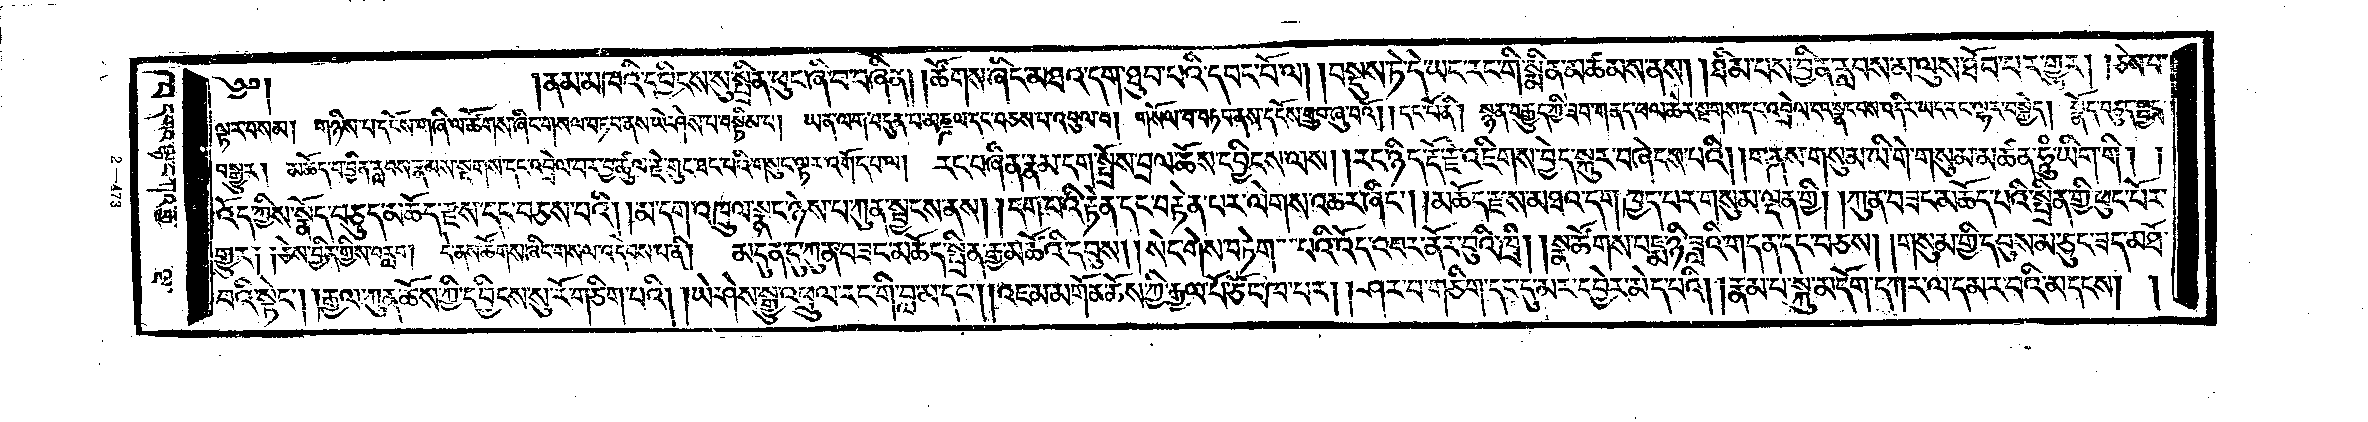༄༅། །ནམ་མཁའི་དབྱིངས་སུ་སྤྲིན་ཕུང་ཞི་བ་བཞིན། །ཚོགས་ཞིང་མཐའ་དག་ཐུབ་པའི་དབང་པོ་ལ། །བསྡུས་ཏེ་དེ་ཡང་རང་གི་སྨིན་མཚམས་ནས། །ཐིམ་པས་བྱིན་རླབས་མ་ལུས་ཐོབ་པར་གྱུར། །ཅེས་པ་
ལྟར་བསམ། གཉིས་པ་དངོས་གཞི་ལ་ཚོགས་ཞིང་གསལ་བཏབ་ནས་ཡེ་ཤེས་པ་བསྟིམ་པ། ཡན་ལག་བདུན་པ་མཎྜལ་དང་བཅས་པ་འབུལ་བ། གསོལ་བ་བཏབ་ནས་དངོས་གྲུབ་ཞུ་བའོ། །དང་པོ་ནི། སྙན་བརྒྱུད་ཀྱི་ཟབ་གནད་ཕལ་ཆེར་སྔགས་དང་འབྲེལ་བར་སྣང་བས་འདིར་ཡང་རང་ལྟར་བསྐྱེད། སྣོད་བཅུད་སྤྱད་
བསྒྱུར། མཆོད་པ་བྱིན་རླབས་རྣམས་སྔགས་དང་འབྲེལ་བར་ཚུལ་རྗེ་གུང་ཐང་པའི་གསུང་ལྟར་འགོད་པ་ལ། རང་བཞིན་རྣམ་དག་སྤྲོས་བྲལ་ཆོས་དབྱིངས་ལས། །རང་ཉིད་རྡོ་རྗེ་འཇིགས་བྱེད་སྐུར་བཞེངས་པའི། །གནས་གསུམ་ཡི་གེ་གསུམ་མཚན་ཧཱུཾ་ཡིག་གི། །
འོད་ཀྱིས་སྣོད་བཅུད་མཆོད་རྫས་དང་བཅས་པའི། །མ་དག་འཁྲུལ་སྣང་ཉེས་པ་ཀུན་སྦྱངས་ནས། །དག་པའི་རྟེན་དང་བརྟེན་པར་ལེགས་འཆར་ཞིང་། །མཆོད་རྫས་མཐའ་དག་ཁྱད་པར་གསུམ་ལྡན་གྱི། །ཀུན་བཟང་མཆོད་པའི་སྤྲིན་གྱི་ཕུང་པོར་
གྱུར༑ །ཅེས་བྱིན་གྱིས་བརླབ། དེ་ནས་ཚོགས་ཞིང་གསལ་འདེབས་པ་ནི།  མདུན་དུ་ཀུན་བཟང་མཆོད་སྤྲིན་རྒྱ་མཚོའི་དབུས། །སེང་གེས་བཏེག་པའི་འོད་འབར་ནོར་བུའི་ཁྲི། །སྣ་ཚོགས་པདམ་ཉི་ཟླའི་གདན་དང་བཅས། །གསུམ་གྱི་དབུས་མ་ཅུང་ཟད་མཐོ་
བའི་སྟེང་། །རྒྱལ་ཀུན་ཆོས་ཀྱི་དབྱིངས་སུ་རོ་གཅིག་པའི། །ཡེ་ཤེས་སྒྱུ་འཕྲུལ་རང་གི་བླ་མ་དང་། །འཇམ་མགོན་ཆོས་ཀྱི་རྒྱལ་པོ་ཙོང་ཁ་པར། །ཤར་བ་གཅིག་དང་དུ་མར་དབྱེར་མེད་པའི། །རྣམ་པ་སྐུ་མདོག་དཀར་ལ་དམར་བའི་མདངས། །